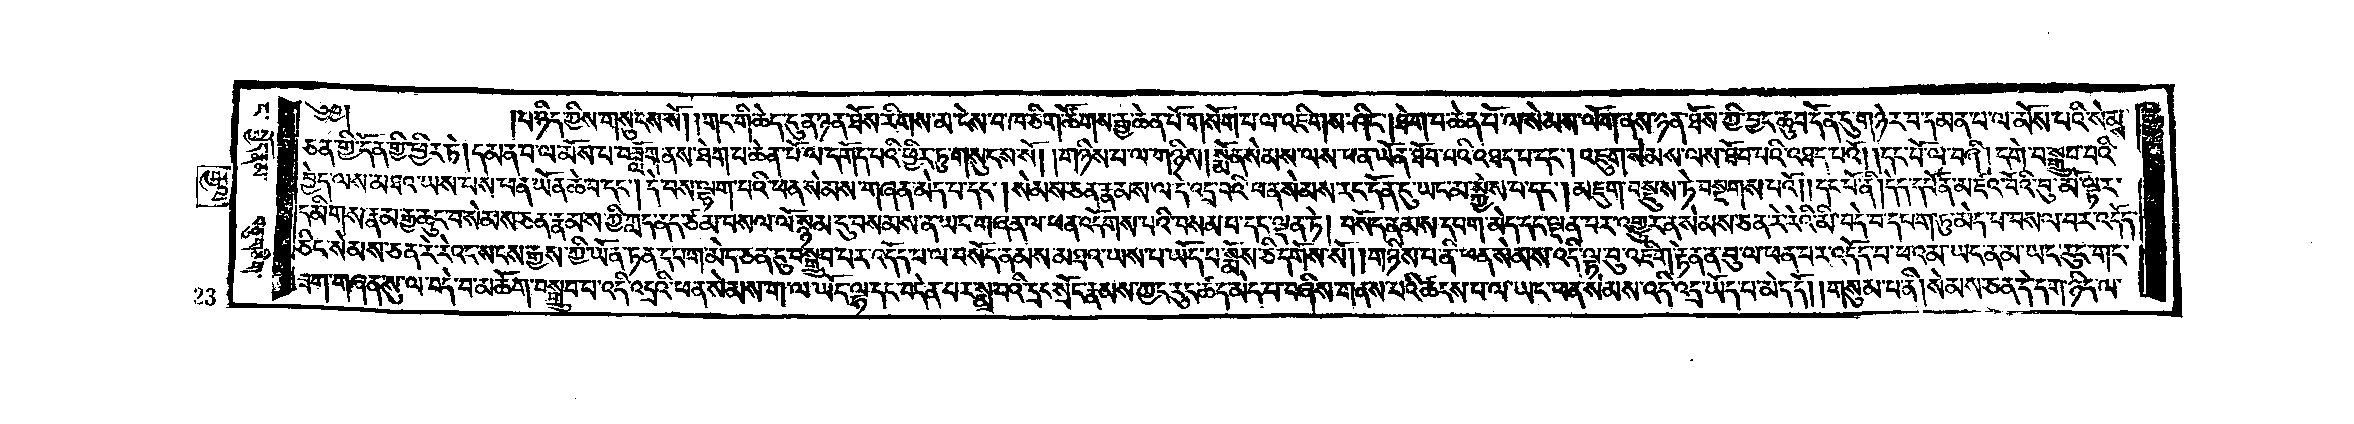༄༅། །པ་ཉིད་ཀྱིས་གསུངས་སོ། །གང་གི་ཆེད་དུ་ན་ཉན་ཐོས་རིགས་མ་ངེས་པ་ཁ་ཅིག་ཚོགས་རྒྱ་ཆེན་པོ་གསོག་པ་ལ་འཇིགས་ཤིང་། ཐེག་པ་ཆེན་པོ་ལ་སེམས་ལོག་ནས་ཉན་ཐོགས་ཀྱི་བྱང་ཆུབ་དོན་དུ་གཉེར་བ་དམན་པ་ལ་མོས་པའི་སེམས་
ཅན་གྱི་དོན་གྱི་ཕྱིར་ཏེ། དམན་པ་ལ་མོས་པ་བཟློག་ནས་ཐེག་པ་ཆེན་པོ་ལ་དགོད་པའི་ཕྱིར་ཏུ་གསུངས་སོ། །གཉིས་པ་ལ་གཉིས། སྨོན་སེམས་ལས་ཕན་ཡོན་ཐོབ་པའི་འཐད་པ་དང་། འཇུག་སེམས་ལས་ཐོབ་པའི་འཐད་པའོ། །དང་པོ་ལ་བཞི། དགེ་བ་སྒྲུབ་པའི་
བྱེད་ལས་མཐའ་ཡས་པས་ཕན་ཡོན་ཆ་བ་དང་། དེ་བས་ལྷག་པའི་ཕན་སེམས་གཞན་མེད་པ་དང་། སེམས་ཅན་རྣམས་ལ་དེ་འདྲ་བའི་ཕན་སེམས་རང་དོན་དུ་ཡང་མ་སྐྱེས་པ་དང་། འཇུག་བསྡུས་ཏེ་བསྔགས་པའོ། །དང་པོ་ནི། དེད་དཔོན་མཛའ་བོའི་བུ་མོ་ལྟར་
དམིགས་རྣམ་རྒྱ་ཆུང་བ་སེམས་ཅན་རྣམས་ཀྱི་ཀླད་ནད་ཙམ་བསལ་ལོ་སྙམ་དུ་བསམས་ན་ཡང་གཞན་ལ་ཕན་འདོགས་པའི་བསམ་པ་དང་ལྡན་ཏེ། བསོད་ནམས་དཔག་མེད་དང་ལྡན་པར་འགྱུར་ན་སེམས་ཅན་རེ་རེའི་མི་བདེ་བ་དཔག་ཏུ་མེད་པ་བསལ་བར་འདོད་
ཅིང་སེམས་ཅན་རེ་རེའང་སངས་རྒྱས་ཀྱི་ཡོན་ཏན་དཔག་མེད་ཅན་དུ་བསྒྲུབ་པར་འདོད་པ་ལ་བསོད་ནམས་མཐའ་ཡས་པ་ཡོད་པ་སྨོས་ཅི་དགོས་སོ། །གཉིས་པ་ནི་ཕན་སེམས་འདི་ལྟ་བུ་འཇིག་རྟེན་ན་བུ་ལ་ཕན་པར་འདོད་པ་ཕའམ་ཡང་ན་མ་ཡང་རུང་གང་
ཟག་གཞན་སུ་ལ་བདེ་བ་མཆོག་བསྒྲུབ་པ་འདི་འདྲའི་ཕན་སེམས་ག་ལ་ཡོད་ལྷ་དང་བདེན་པར་སྨྲ་བའི་དྲང་སྲོང་རྣམས་ཀྱང་རུང་ཚད་མེད་པ་བཞིས་གནས་པའི་ཚངས་པ་ལ་ཡང་ཕན་སེམས་འདི་འདྲ་ཡོད་པ་མེད་དོ། །གསུམ་པ་ནི། སེམས་ཅན་དེ་དག་ཉིད་ལ་